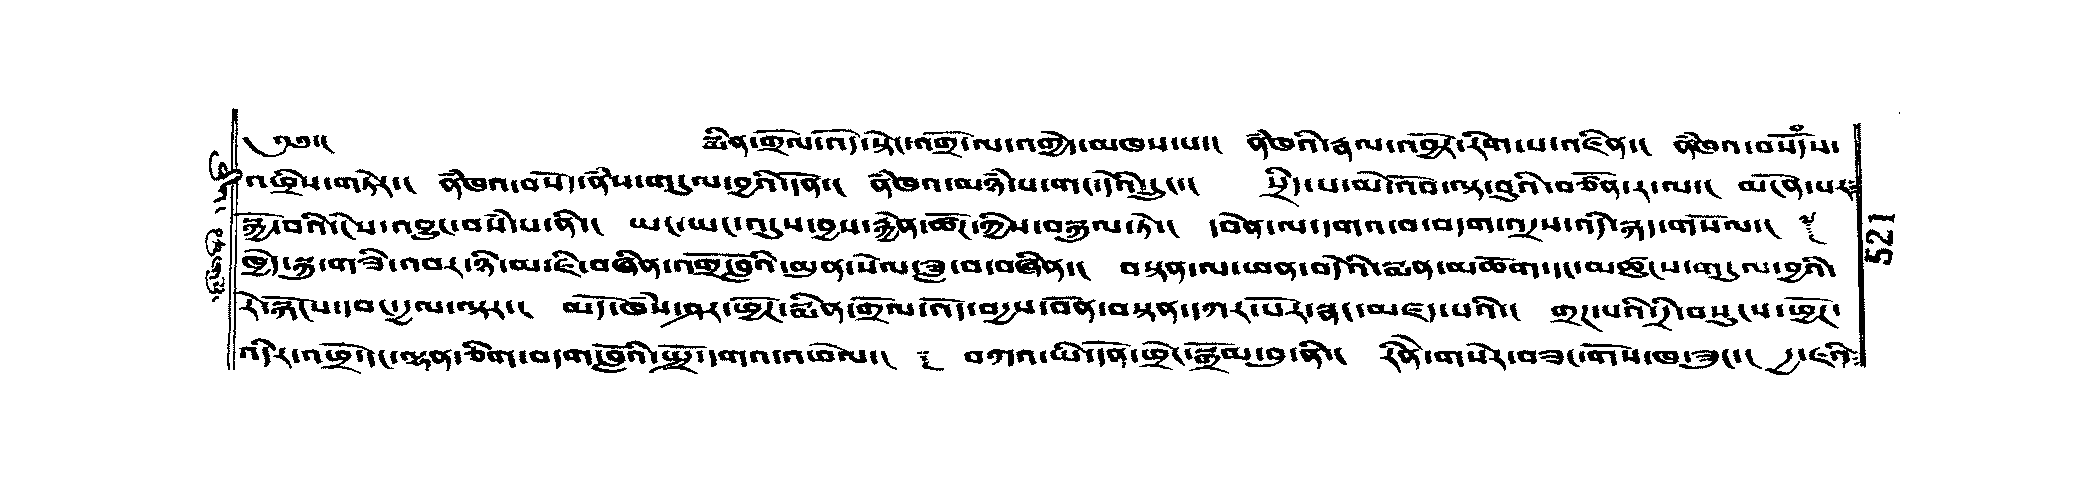།སྨིན་གྲོལ་འོད་སྟོང་འགྲོ་ལ་འགྱེད་མཁས་པ། །ནམ་མཁའི་རྣལ་འབྱོར་རིག་པ་འཛིན། །ནམ་མཁའ་བསོད་ནམས་
འཕྲིན་ལས་གཏེར། །ནམ་མཁའ་བསོད་ནམས་གདུལ་བྱའི་དོན། །ནམ་མཁའ་མཉམ་པ་གང་དེའི་དྲུང་། །སྲིད་པ་མེ་འོབ་ལྟ་བུའི་བཙོན་ར་ལ། །མངོན་པར་
སྐྱོ་བའི་ངེས་འབྱུང་བསམ་པ་ནི། །ཡང་ཡང་འདུས་བྱས་རྐྱེན་ཚོགས་ཀྱིས་བསྐུལ་ཏེ། །དབེན་ལ་དགའ་བ་བདག་འདྲས་འདི་སྐད་གསོལ། །
ཁྱེད་སྐུ་གཟི་བར་ཉི་མ་ཇི་བཞིན་འགྲོ་བློའི་མུན་སེལ་ཟླ་བ་བཞིན། །བསྟན་ལ་ཕན་བདེའི་སྨན་མཆོག་དང་མཚུངས་གདུལ་བྱའི་
རེ་སྐོང་དབང་རྒྱལ་ལྟར། །མདོ་ཁམས་ཤར་ཕྱོགས་སྨིན་གྲོལ་འོད་བརྒྱས་བོན་བསྟན་དཀར་པོར་སྣང་མཛད་པའི། །གྲགས་པའི་དྲི་བསུང་ཕྱོགས་
འདིར་འཕྲོ་དང་ལྷན་ཅིག་བདག་བློའི་སྤྲོ་དགའ་འཕེལ། །བཀའ་ཡིག་དོན་ཕྲེང་སྒྲོམ་བུ་ནི། །རིན་ཆེན་གསེར་བཟང་གོས་ཁ་ཟུང་། །རྒྱ་ཇའི་